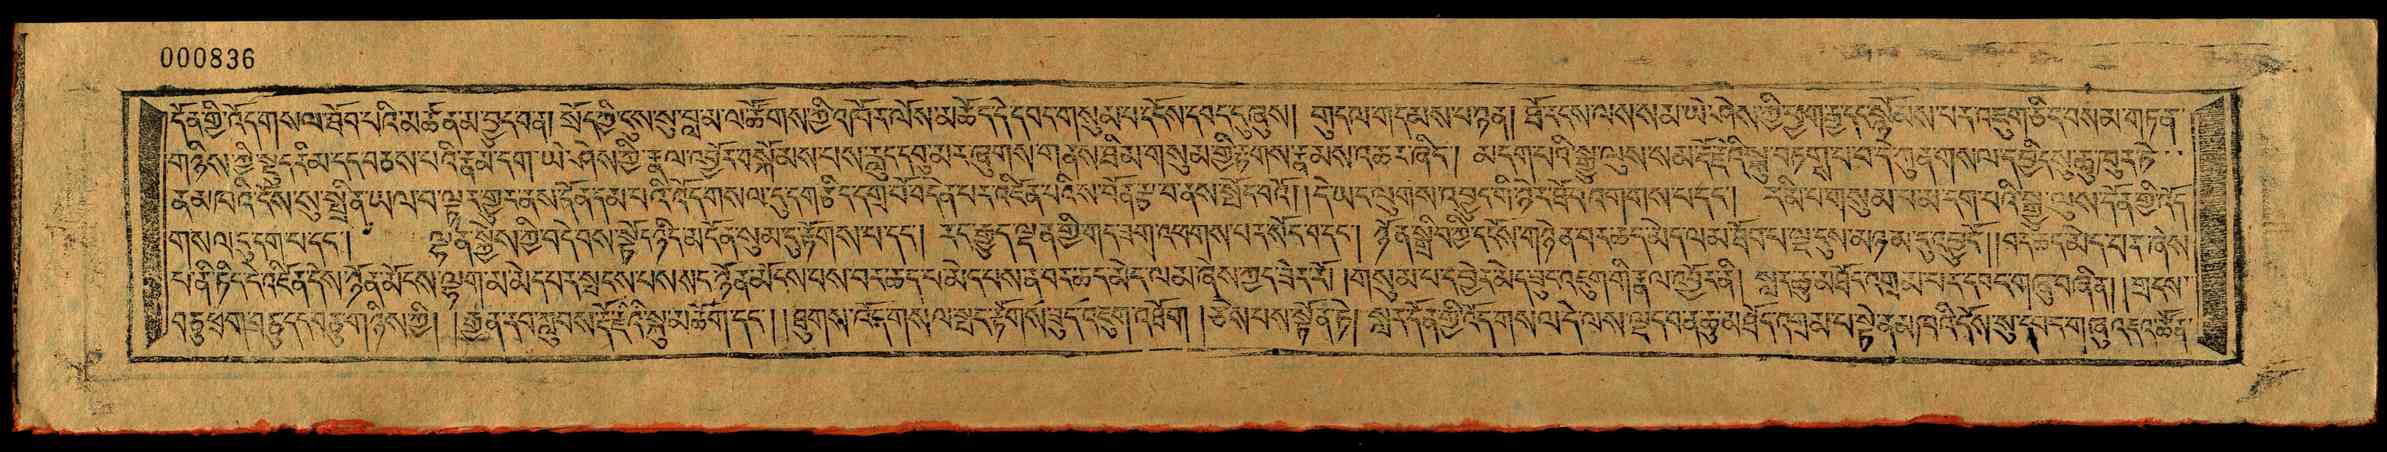དོན་གྱི་འོད་གསལ་ཐོབ་པའི་མཚན་མ་བྱུང་བ་ན། སྲོད་ཀྱི་དུས་སུ་བླ་མ་ལ་ཚོགས་ཀྱི་འཁོར་ལོས་མཆོད་དེ་དབང་གསུམ་པ་དངོས་དབང་དུ་ཞུས། གུང་ལ་གདམས་པ་ཉན། ཐོ་རངས་ལས་སམ་ཡེ་ཤེས་ཀྱི་ཕྱག་རྒྱ་དང་སྙོམས་པར་འཇུག་ཅིང་བསམ་གཏན་
གཉིས་ཀྱི་སྡུད་རིམ་དང་བཅས་པའི་རྣམ་དག་ཡེ་ཤེས་ཀྱི་རྣལ་འབྱོར་བསྒོམས་པས་རླུང་དབུ་མར་ཞུགས་གནས་ཐིམ་གསུམ་གྱི་རྟགས་རྣམས་འཆར་ཞིང་། མ་དག་པའི་སྒྱུ་ལུས་སམ་རྡོ་རྗེའི་སྐུ་བཏགས་པ་བ་དེ་ཀུན་གསལ་དབྱིངས་སུ་ཆུ་ཁུར་ཏེ་
ནམ་མཁའི་ངོས་སུ་སྤྲིན་ཡལ་བ་ལྟར་གྱུར་ནས་དོན་དམ་པའི་འོད་གསལ་དུ་དག་ཅིང་དགྲ་བོ་བདེན་པར་འཛིན་པའི་ས་བོན་རྩ་བ་ནས་སྤོང་བའོ། །དེ་ཡང་ལུགས་འབྱུང་གི་ཉེར་ཐོབ་འགགས་པ་དང་། རིམ་པ་གསུམ་པ་མ་དག་པའི་སྒྱུ་ལུས་དོན་གྱི་འོད་
གསལ་དུ་དག་པ་དང་། ལྷན་སྐྱེས་ཀྱི་བདེ་བས་སྟོང་ཉིད་མངོན་སུམ་དུ་རྟོགས་པ་དང་། རང་རྒྱུད་ལྡན་གྱི་གང་ཟག་འཕགས་པར་སོང་བ་དང་། ཉོན་སྒྲིབ་ཀྱི་དངོས་གཉེན་བར་ཚད་མེད་ལམ་ཐོབ་པ་ལྔ་དུས་མཉམ་དུ་འབྱུང་ངོ། །བར་ཆད་མེད་ལམ་ཞེས་
པ་ནི་ཏིང་ངེ་འཛིན་དེས་ཉོན་མོངས་ལྷག་མ་མེད་པར་སྤངས་པས་ཉོན་མོངས་པས་བར་ཆད་པ་མེད་པས་ན་བར་ཆད་མེད་ལམ་ཞེས་ཀྱང་ཟེར་རོ། །གསུམ་པ་དབྱེར་མེད་ཟུང་འཇུག་གི་རྣལ་འབྱོར་ནི། སླར་ཆུ་མཐོང་འགྲམ་པར་དབང་གཞུ་བཞིན། །གྲངས་
བཅུ་ཕྲག་བཅུ་དང་བཅུ་གཉིས་ཀྱི། །རྒྱན་རབ་ཀླུ་བས་རྡོ་རྗེའི་སྐུ་མཆོག་དང་། །ཐུགས་འོད་གསལ་སྤང་རྟོགས་ཟུང་འཇུག་འཐོབ། །ཅེས་པས་སྟོན་ཏེ། སླར་དོན་གྱི་འོད་གསལ་དེ་ལས་ལྡང་བ་ན་ཆུ་མཐོང་འགྲམ་པ་སྟེ་ནམ་མཁའི་ངོས་སུ་དབང་གཞུ་འཇའ་ཚོན་